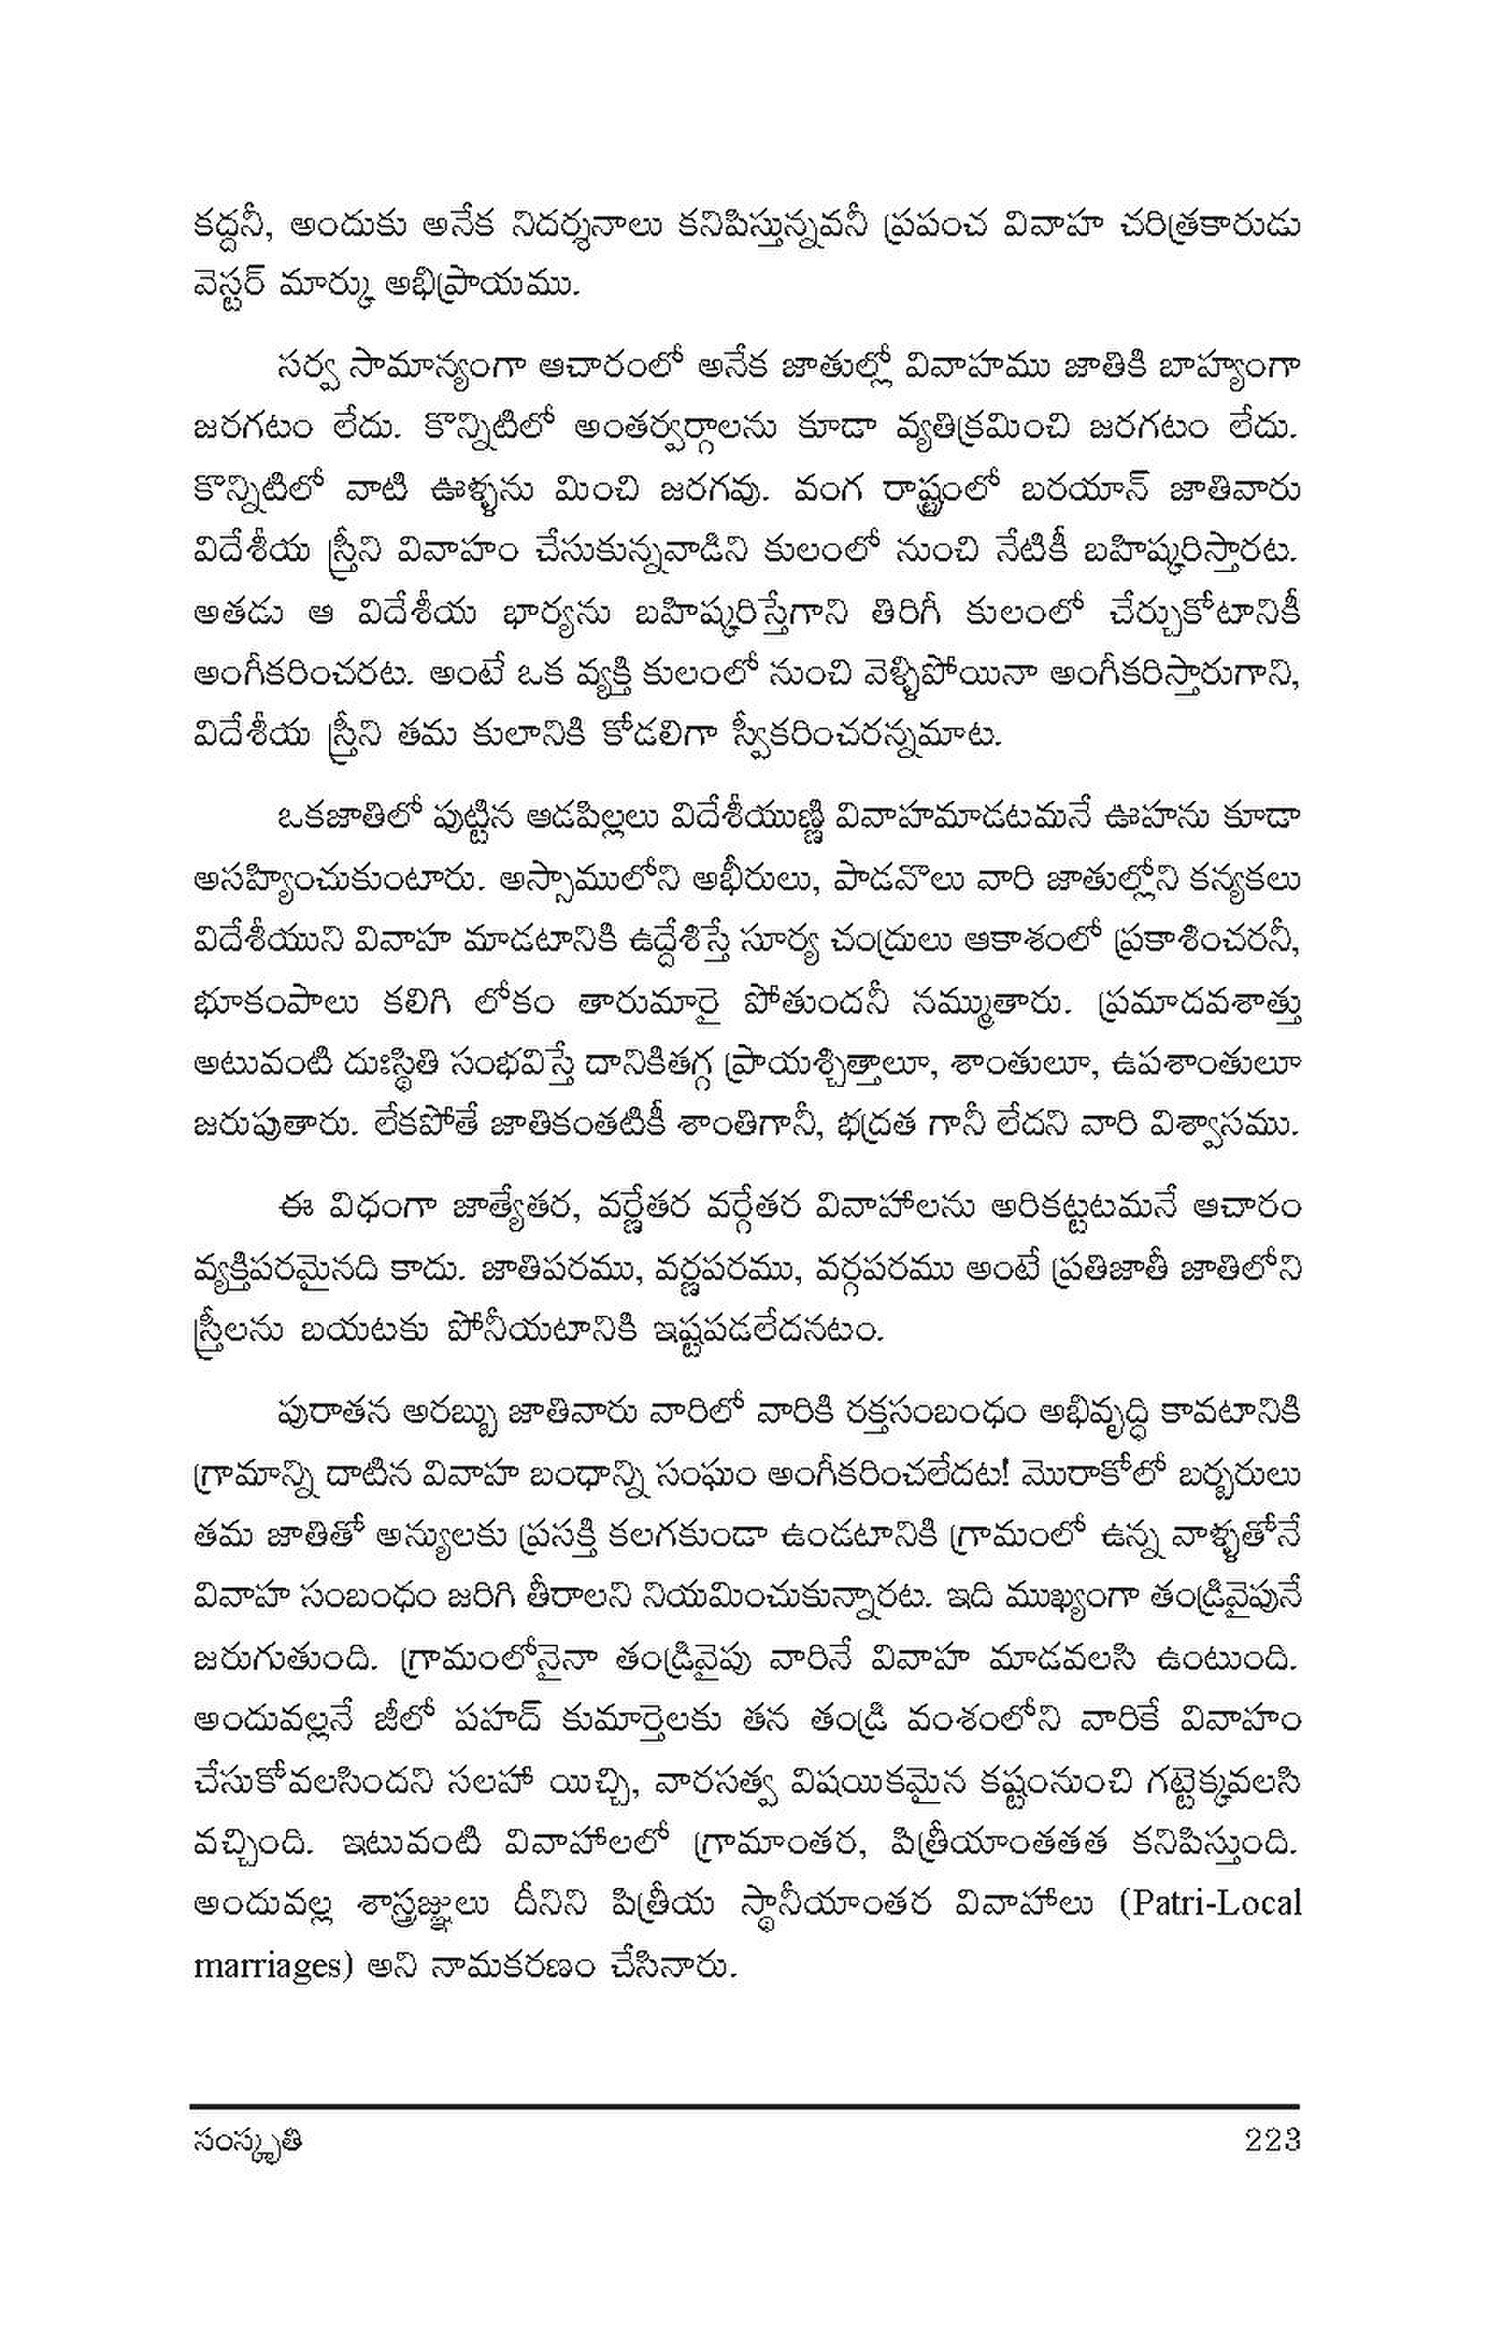కద్దనీ, అందుకు అనేక నిదర్శనాలు కనిపిస్తున్నవనీ ప్రపంచ వివాహ చరిత్రకారుడు
వెస్టర్ మార్కు అభిప్రాయము.

సర్వ సామాన్యంగా ఆచారంలో అనేక జాతుల్లో వివాహము జాతికి బాహ్యంగా
జరగటం లేదు. కొన్నిటిలో అంతర్వర్గాలను కూడా వ్యతిక్రమించి జరగటం లేదు.
కొన్నిటిలో వాటి ఊళ్ళను మించి జరగవు. వంగ రాష్ట్రంలో బరయాన్ జాతివారు
విదేశీయ స్త్రీని వివాహం చేసుకున్నవాడిని కులంలో నుంచి నేటికీ బహిష్కరిస్తారట.
అతడు ఆ విదేశీయ భార్యను బహిష్కరిస్తేగాని తిరిగీ కులంలో చేర్చుకోటానికీ
అంగీకరించరట. అంటే ఒక వ్యక్తి కులంలో నుంచి వెళ్ళిపోయినా అంగీకరిస్తారుగాని,
విదేశీయ స్త్రీని తమ కులానికి కోడలిగా స్వీకరించరన్నమాట.

ఒకజాతిలో పుట్టిన ఆడపిల్లలు విదేశీయుణ్ణి వివాహమాడటమనే ఊహను కూడా
అసహ్యించుకుంటారు. అస్సాములోని అభీరులు, పాడవొలు వారి జాతుల్లోని కన్యకలు
విదేశీయుని వివాహ మాడటానికి ఉద్దేశిస్తే సూర్య చంద్రులు ఆకాశంలో ప్రకాశించరనీ,
భూకంపాలు కలిగి లోకం తారుమారై పోతుందనీ నమ్ముతారు. ప్రమాదవశాత్తు
అటువంటి దుఃస్థితి సంభవిస్తే దానికి తగ్గ ప్రాయశ్చిత్తాలూ, శాంతులూ, ఉపశాంతులూ
జరుపుతారు. లేకపోతే జాతికంతటికీ శాంతిగానీ, భద్రత గానీ లేదని వారి విశ్వాసము.

ఈ విధంగా జాత్యేతర, వర్ణేతర వర్గేతర వివాహాలను అరికట్టటమనే ఆచారం
వ్యక్తిపరమైనది కాదు. జాతిపరము, వర్ణపరము, వర్గపరము అంటే ప్రతిజాతి జాతిలోని
స్త్రీలను బయటకు పోనీయటానికి ఇష్టపడలేదనటం.

పురాతన అరబ్బు జాతివారు వారిలో వారికి రక్తసంబంధం అభివృద్ధి కావటానికి
గ్రామాన్ని దాటిన వివాహ బంధాన్ని సంఘం అంగీకరించలేదట! మొరాకోలో బర్బరులు
తమ జాతితో అన్యులకు ప్రసక్తి కలగకుండా ఉండటానికి గ్రామంలో ఉన్న వాళ్ళతోనే
వివాహ సంబంధం జరిగి తీరాలని నియమించుకున్నారట. ఇది ముఖ్యంగా తండ్రివైపునే
జరుగుతుంది. గ్రామంలోనైనా తండ్రివైపు వారినే వివాహ మాడవలసి ఉంటుంది.
అందువల్లనే జీలో పహద్ కుమార్తెలకు తన తండ్రి వంశంలోని వారికే వివాహం
చేసుకోవలసిందని సలహా యిచ్చి, వారసత్వ విషయికమైన కష్టంనుంచి గట్టెక్కవలసి
వచ్చింది. ఇటువంటి వివాహాలలో గ్రామాంతర, పిత్రీయాంతతత కనిపిస్తుంది.
అందువల్ల శాస్త్రజ్ఞులు దీనిని పిత్రీయ స్థానీయాంతర వివాహాలు (Patri-Local
marriages) అని నామకరణం చేసినారు.